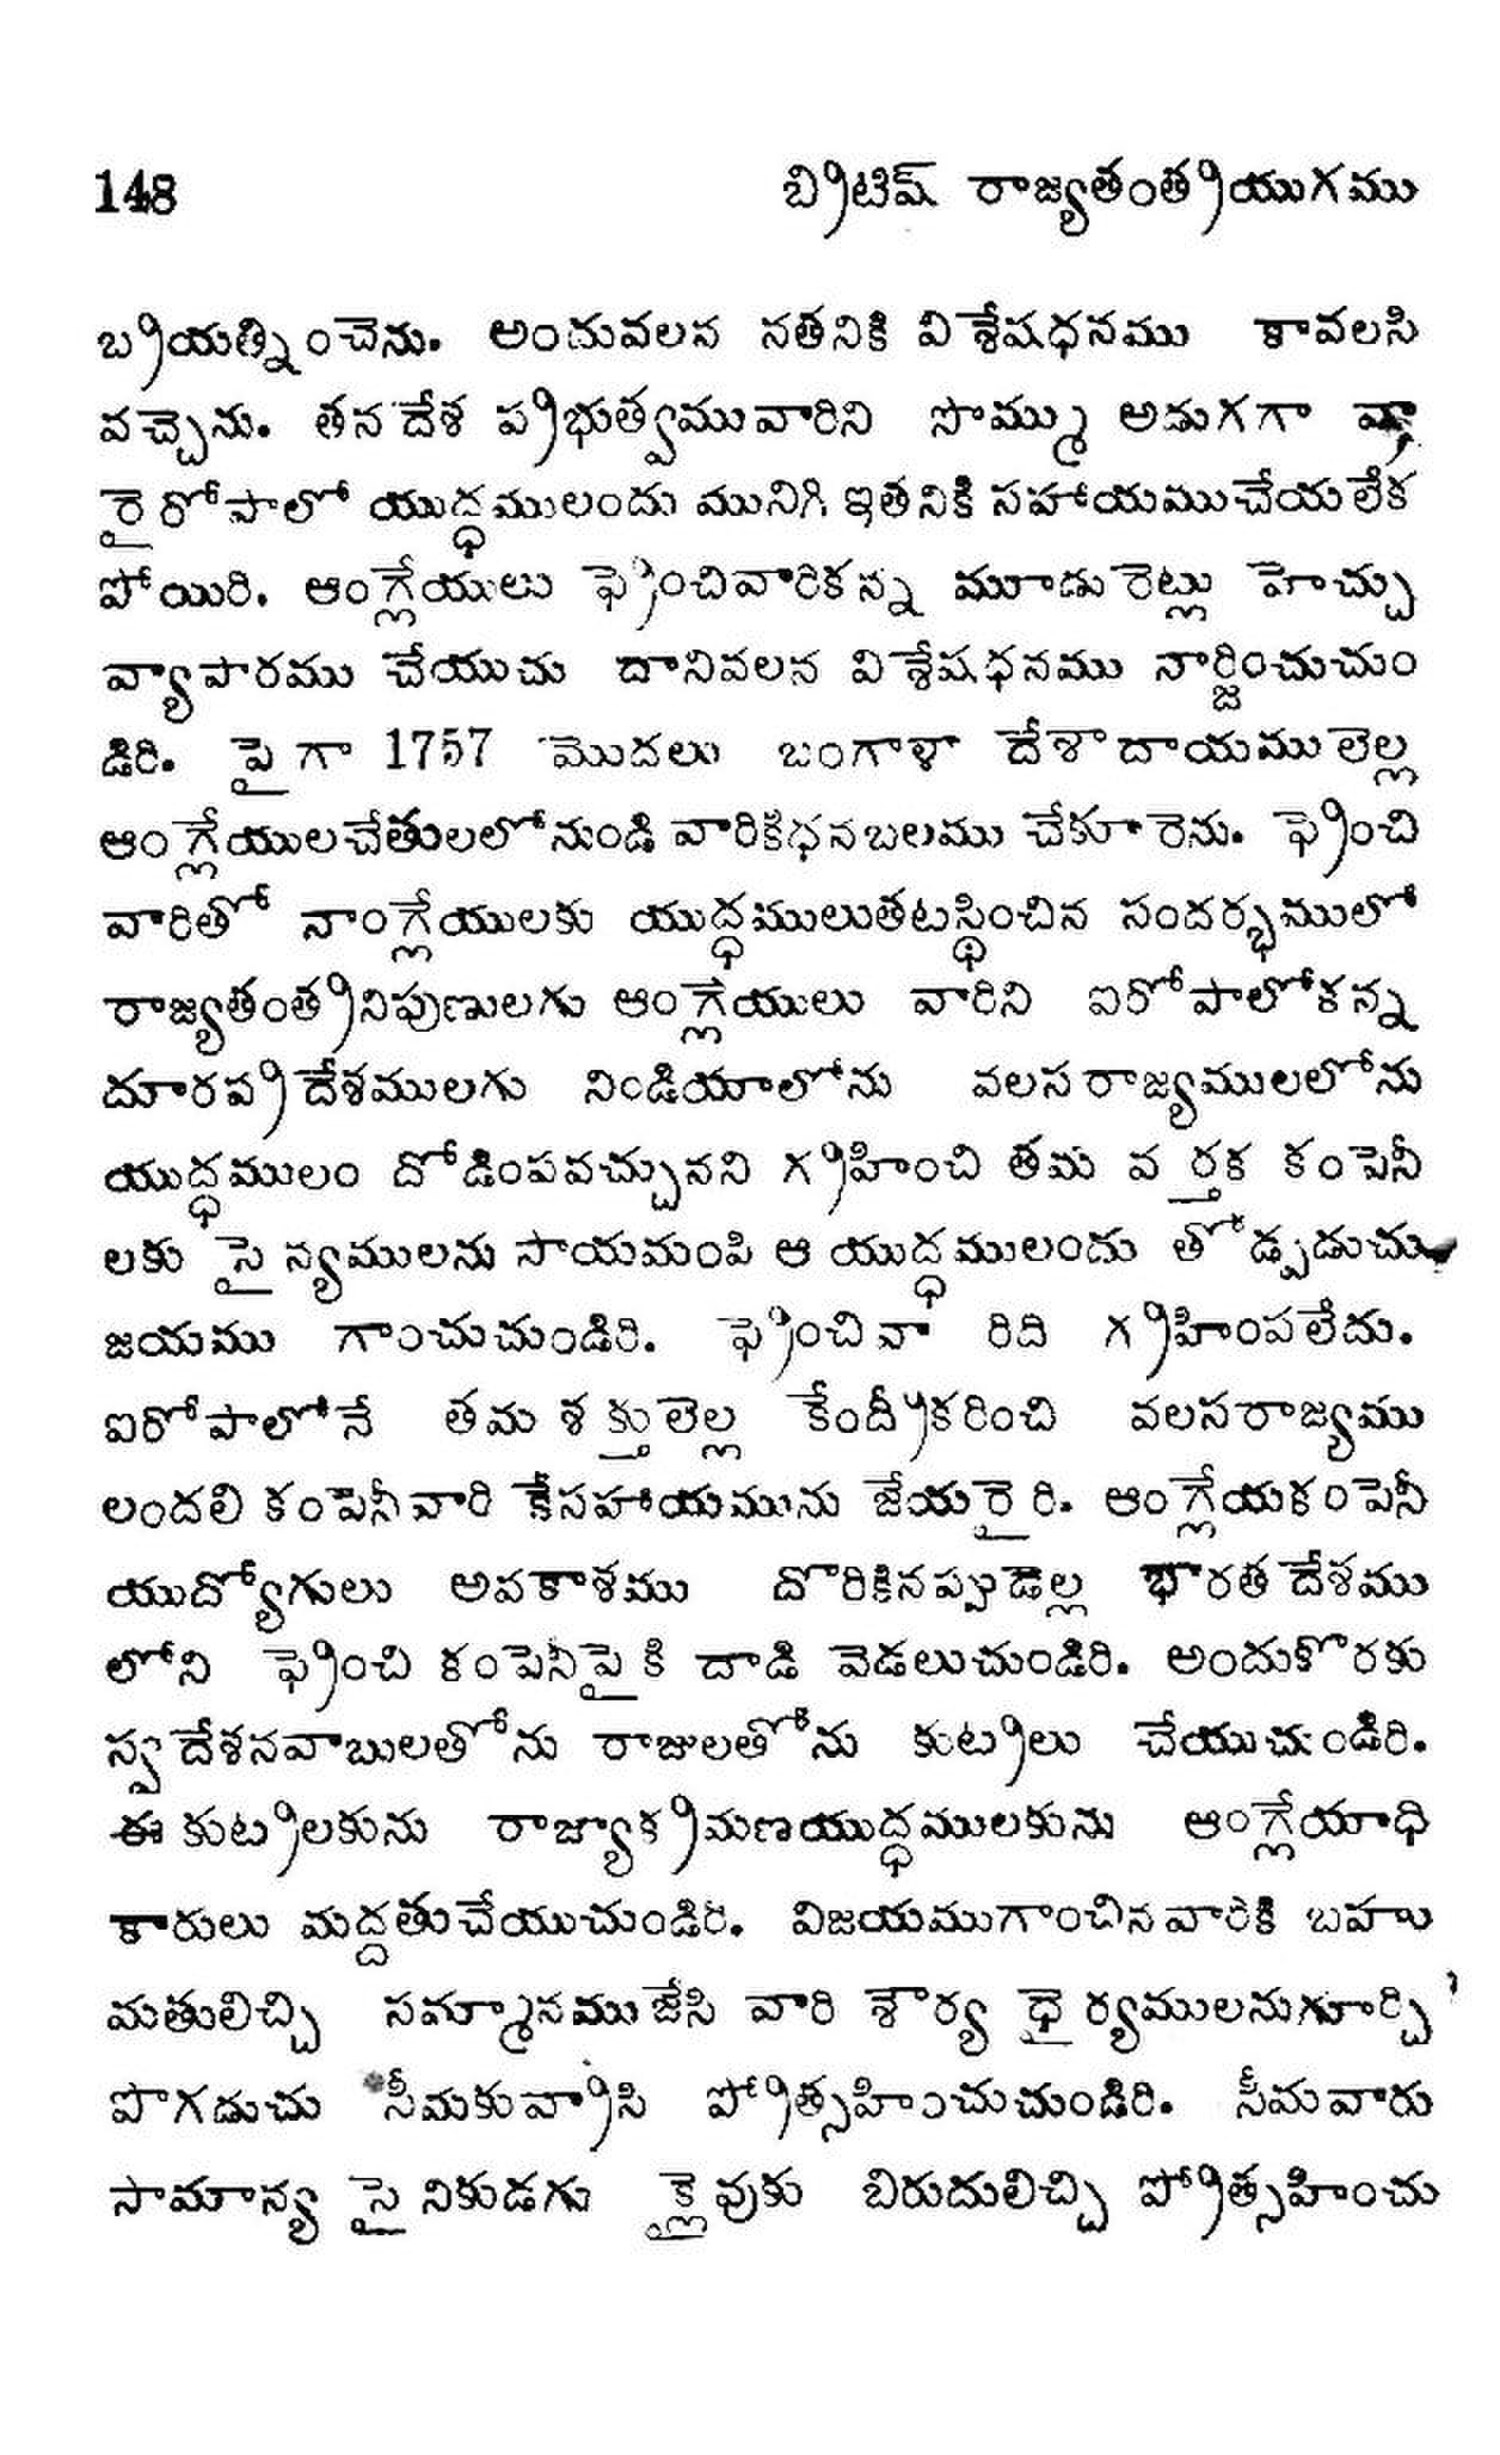బ్రయత్నించెను. అందువలన నతనికి విశేషధనము కావలసివచ్చెను. తనదేశ ప్రభుత్వమువారిని సొమ్ము అడుగగా వారైరోపాలో యుద్ధములందు మునిగి ఇతనికి సహాయముచేయలేక పోయిరి. ఆంగ్లేయులు ఫ్రెంచివారికన్న మూడురెట్లు హెచ్చు వ్యాపారము చేయుచు దానివలన విశేష ధనము నార్జించుచుండిరి. పైగా 1757 మొదలు బంగాళా దేశాదాయములెల్ల ఆంగ్లేయుల చేతులలోనుండి వారికిధనబలము చేకూరెను. ఫ్రెంచి వారితో నాంగ్లేయులకు యుద్ధములుతటస్థించిన సందర్భములో రాజ్యతంత్రనిపుణులగు ఆంగ్లేయులు వారిని ఐరోపాలోకన్న దూరప్రదేశములగు నిండియాలోను వలస రాజ్యములలోను యుద్దములం దోడింపవచ్చునని గ్రహించి తమ వర్తక కంపెనీలకు సైన్యములను సాయమంపి ఆ యుద్దములందు తోడ్పడుచు జయము గాంచుచుండిరి. ఫ్రెంచివా రిది గ్రహింపలేదు. ఐరోపాలోనే తమ శక్తులెల్ల కేంద్రీకరించి వలసరాజ్యము లందలి కంపెనీవారి కేసహాయమును జేయరైరి. ఆంగ్లేయకంపెనీ యుద్యోగులు అవకాశము దొరికినప్పుడెల్ల భారతదేశములోని ఫ్రెంచి కంపెనీపైకి దాడి వెడలుచుండిరి. అందుకొరకు స్వదేశనవాబులతోను రాజులతోను కుట్రలు చేయుచుండిరి. ఈ కుట్రలకును రాజ్యాక్రమణయుద్ధములకును ఆంగ్లేయాధికారులు మద్దతుచేయుచుండిరి. విజయముగాంచినవారికి బహుమతులిచ్చి సమ్మానముజేసి వారి శౌర్య ధైర్యములనుగూర్చి పొగడుచు "సీమకువ్రాసి ప్రోత్సహించుచుండిరి. సీమవారు సామాన్య సైనికుడగు క్లైవుకు బిరుదులిచ్చి పోత్సహించు